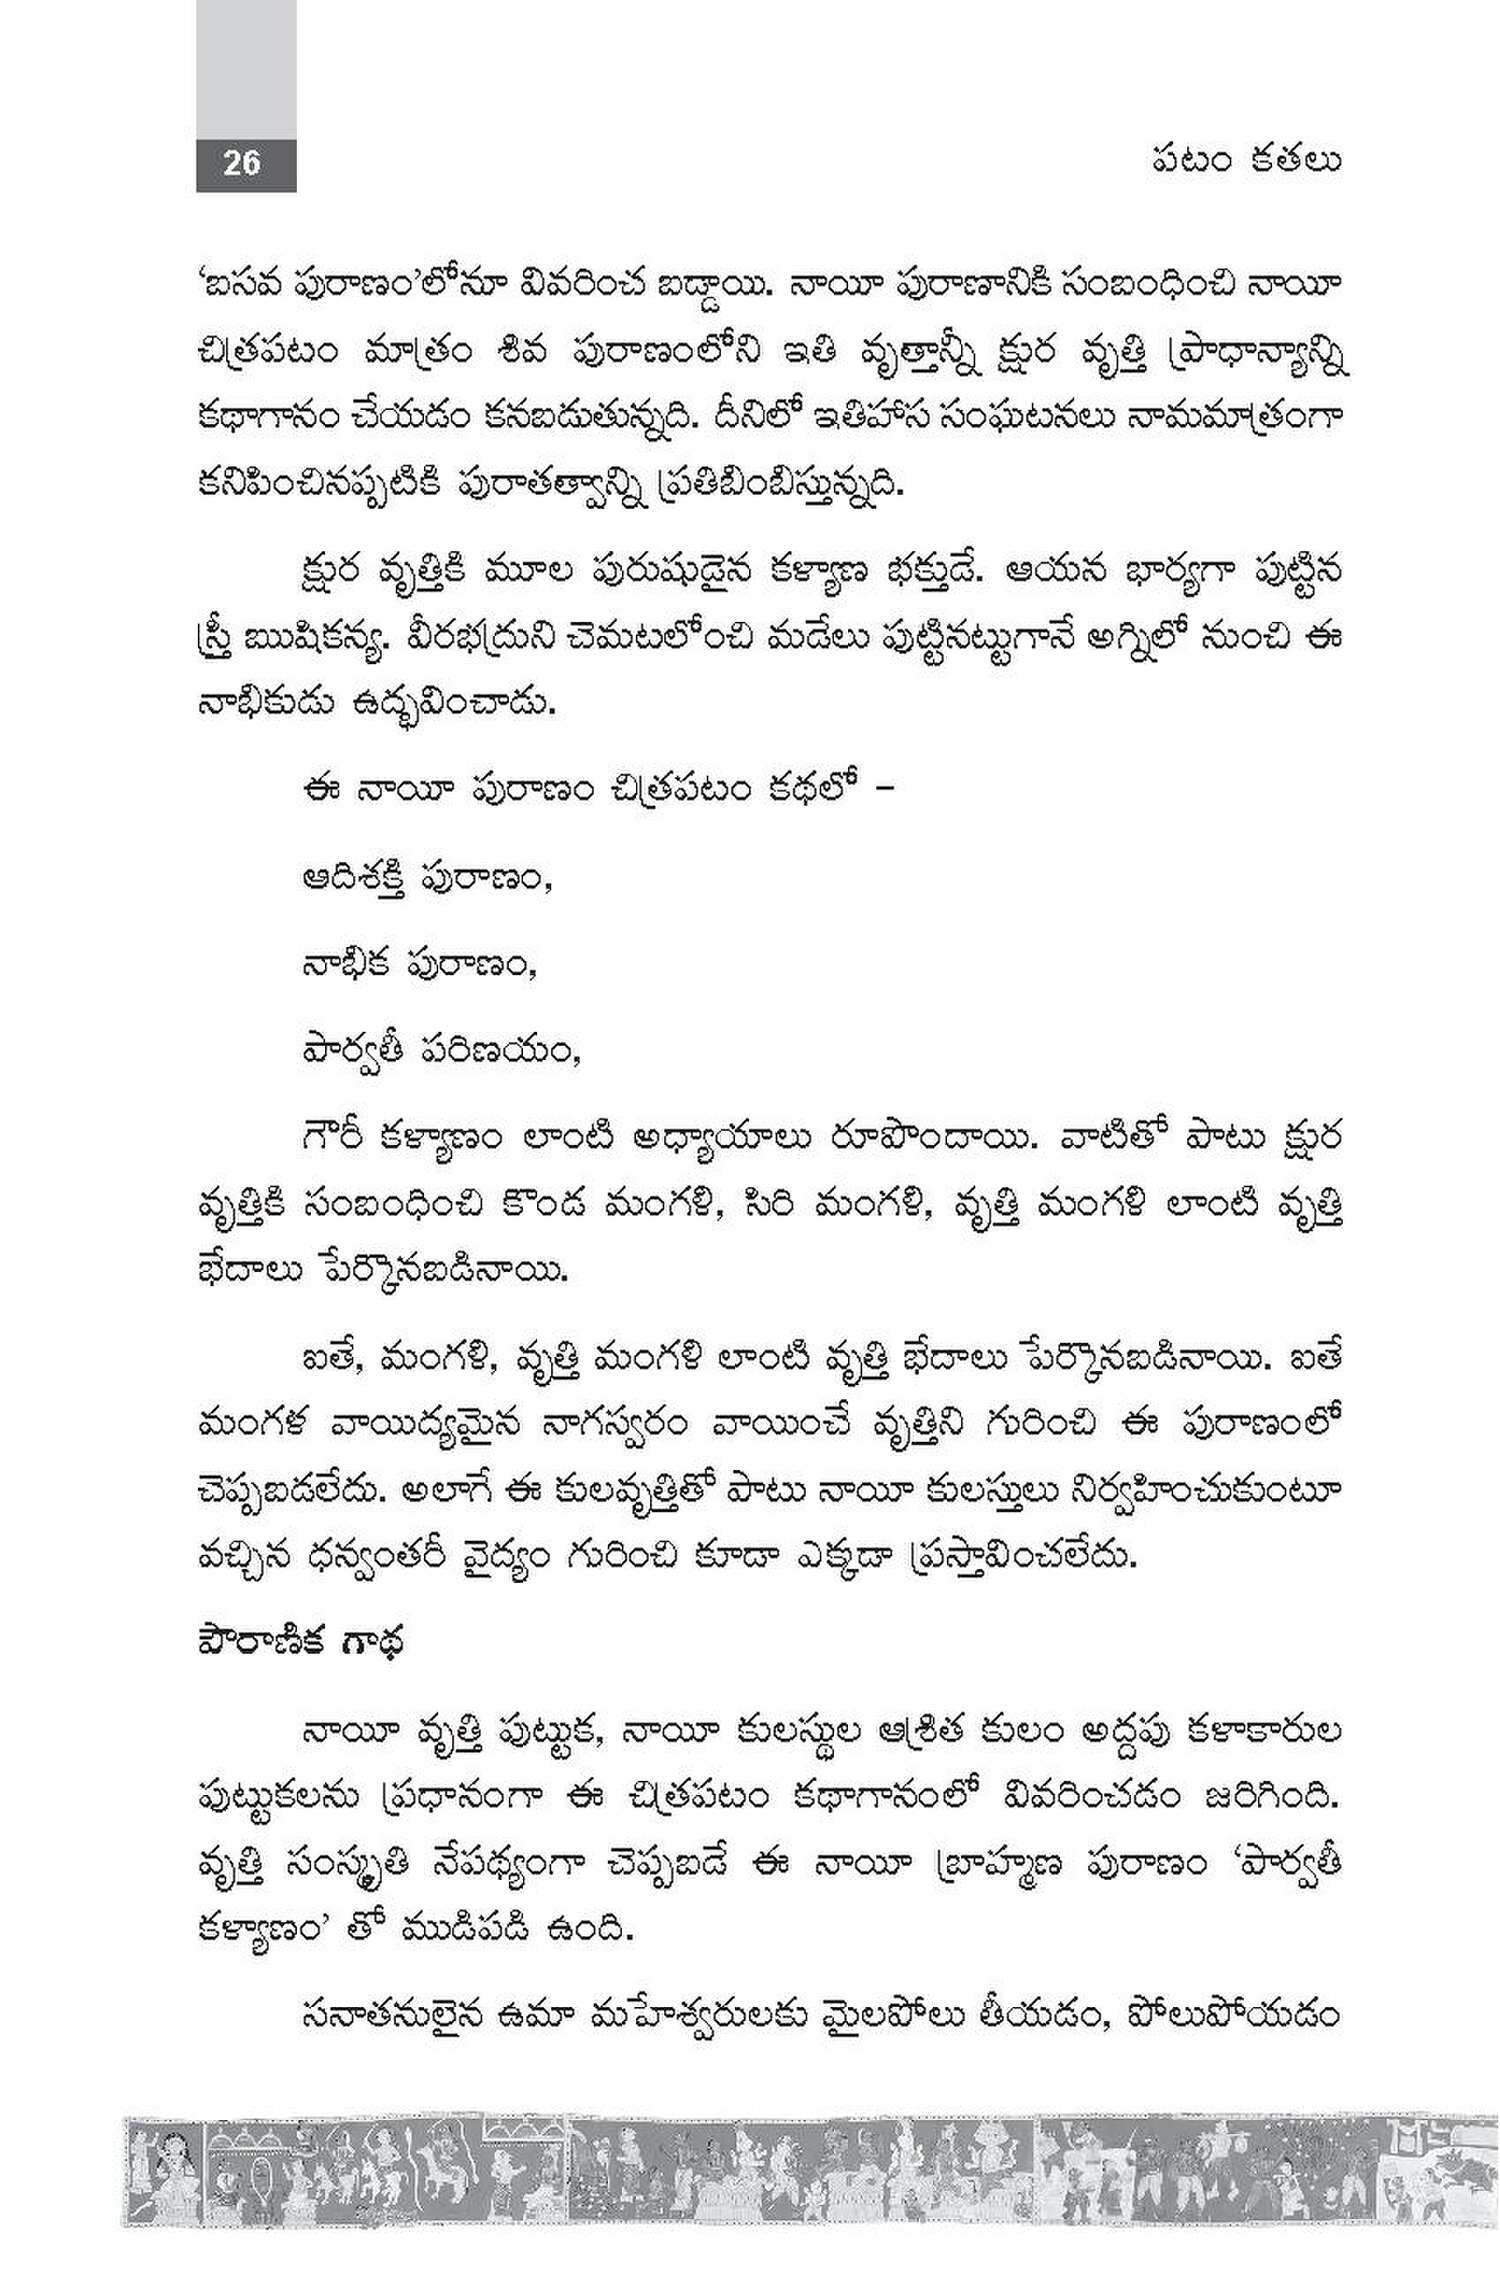'బసవ పురాణం'లోనూ వివరించ బడ్డాయి. నాయీ పురాణానికి సంబంధించి నాయీ చిత్రపటం మాత్రం శివ పురాణంలోని ఇతి వృత్తాన్నీ క్షుర వృత్తి ప్రాధాన్యాన్ని కథాగానం చేయడం కనబడుతున్నది. దీనిలో ఇతిహాస సంఘటనలు నామమాత్రంగా కనిపించినప్పటికి పురాతత్వాన్ని ప్రతిబింబిస్తున్నది.

క్షుర వృత్తికి మూల పురుషుడైన కళ్యాణ భక్తుడే. ఆయన భార్యగా పుట్టిన స్త్రీ ఋషికన్య. వీరభద్రుని చెమటలోంచి మడేలు పుట్టినట్టుగానే అగ్నిలో నుంచి ఈ నాభికుడు ఉద్భవించాడు.

ఈ నాయీ పురాణం చిత్రపటం కథలో -

ఆదిశక్తి పురాణం,
నాభిక పురాణం,
పార్వతీ పరిణయం,

గౌరీ కళ్యాణం లాంటి అధ్యాయాలు రూపొందాయి. వాటితో పాటు క్షుర వృత్తికి సంబంధించి కొండ మంగళి, సిరి మంగళి, వృత్తి మంగళి లాంటి వృత్తి భేదాలు పేర్కొనబడినాయి.

ఐతే, మంగళి, వృత్తి మంగళి లాంటి వృత్తి భేదాలు పేర్కొనబడినాయి. ఐతే మంగళ వాయిద్యమైన నాగస్వరం వాయించే వృత్తిని గురించి ఈ పురాణంలో చెప్పబడలేదు. అలాగే ఈ కులవృత్తితో పాటు నాయీ కులస్తులు నిర్వహించుకుంటూ
వచ్చిన ధన్వంతరీ వైద్యం గురించి కూడా ఎక్కడా ప్రస్తావించలేదు.

పౌరాణిక గాథ 

నాయీ వృత్తి పుట్టుక, నాయీ కులస్థుల ఆశ్రిత కులం అద్దపు కళాకారుల పుట్టుకలను ప్రధానంగా ఈ చిత్రపటం కథాగానంలో వివరించడం జరిగింది. వృత్తి సంస్కృతి నేపథ్యంగా చెప్పబడే ఈ నాయీ బ్రాహ్మణ పురాణం 'పార్వతీ
కళ్యాణం' తో ముడిపడి ఉంది.

సనాతనులైన ఉమా మహేశ్వరులకు మైలపోలు తీయడం, పోలుపోయడం